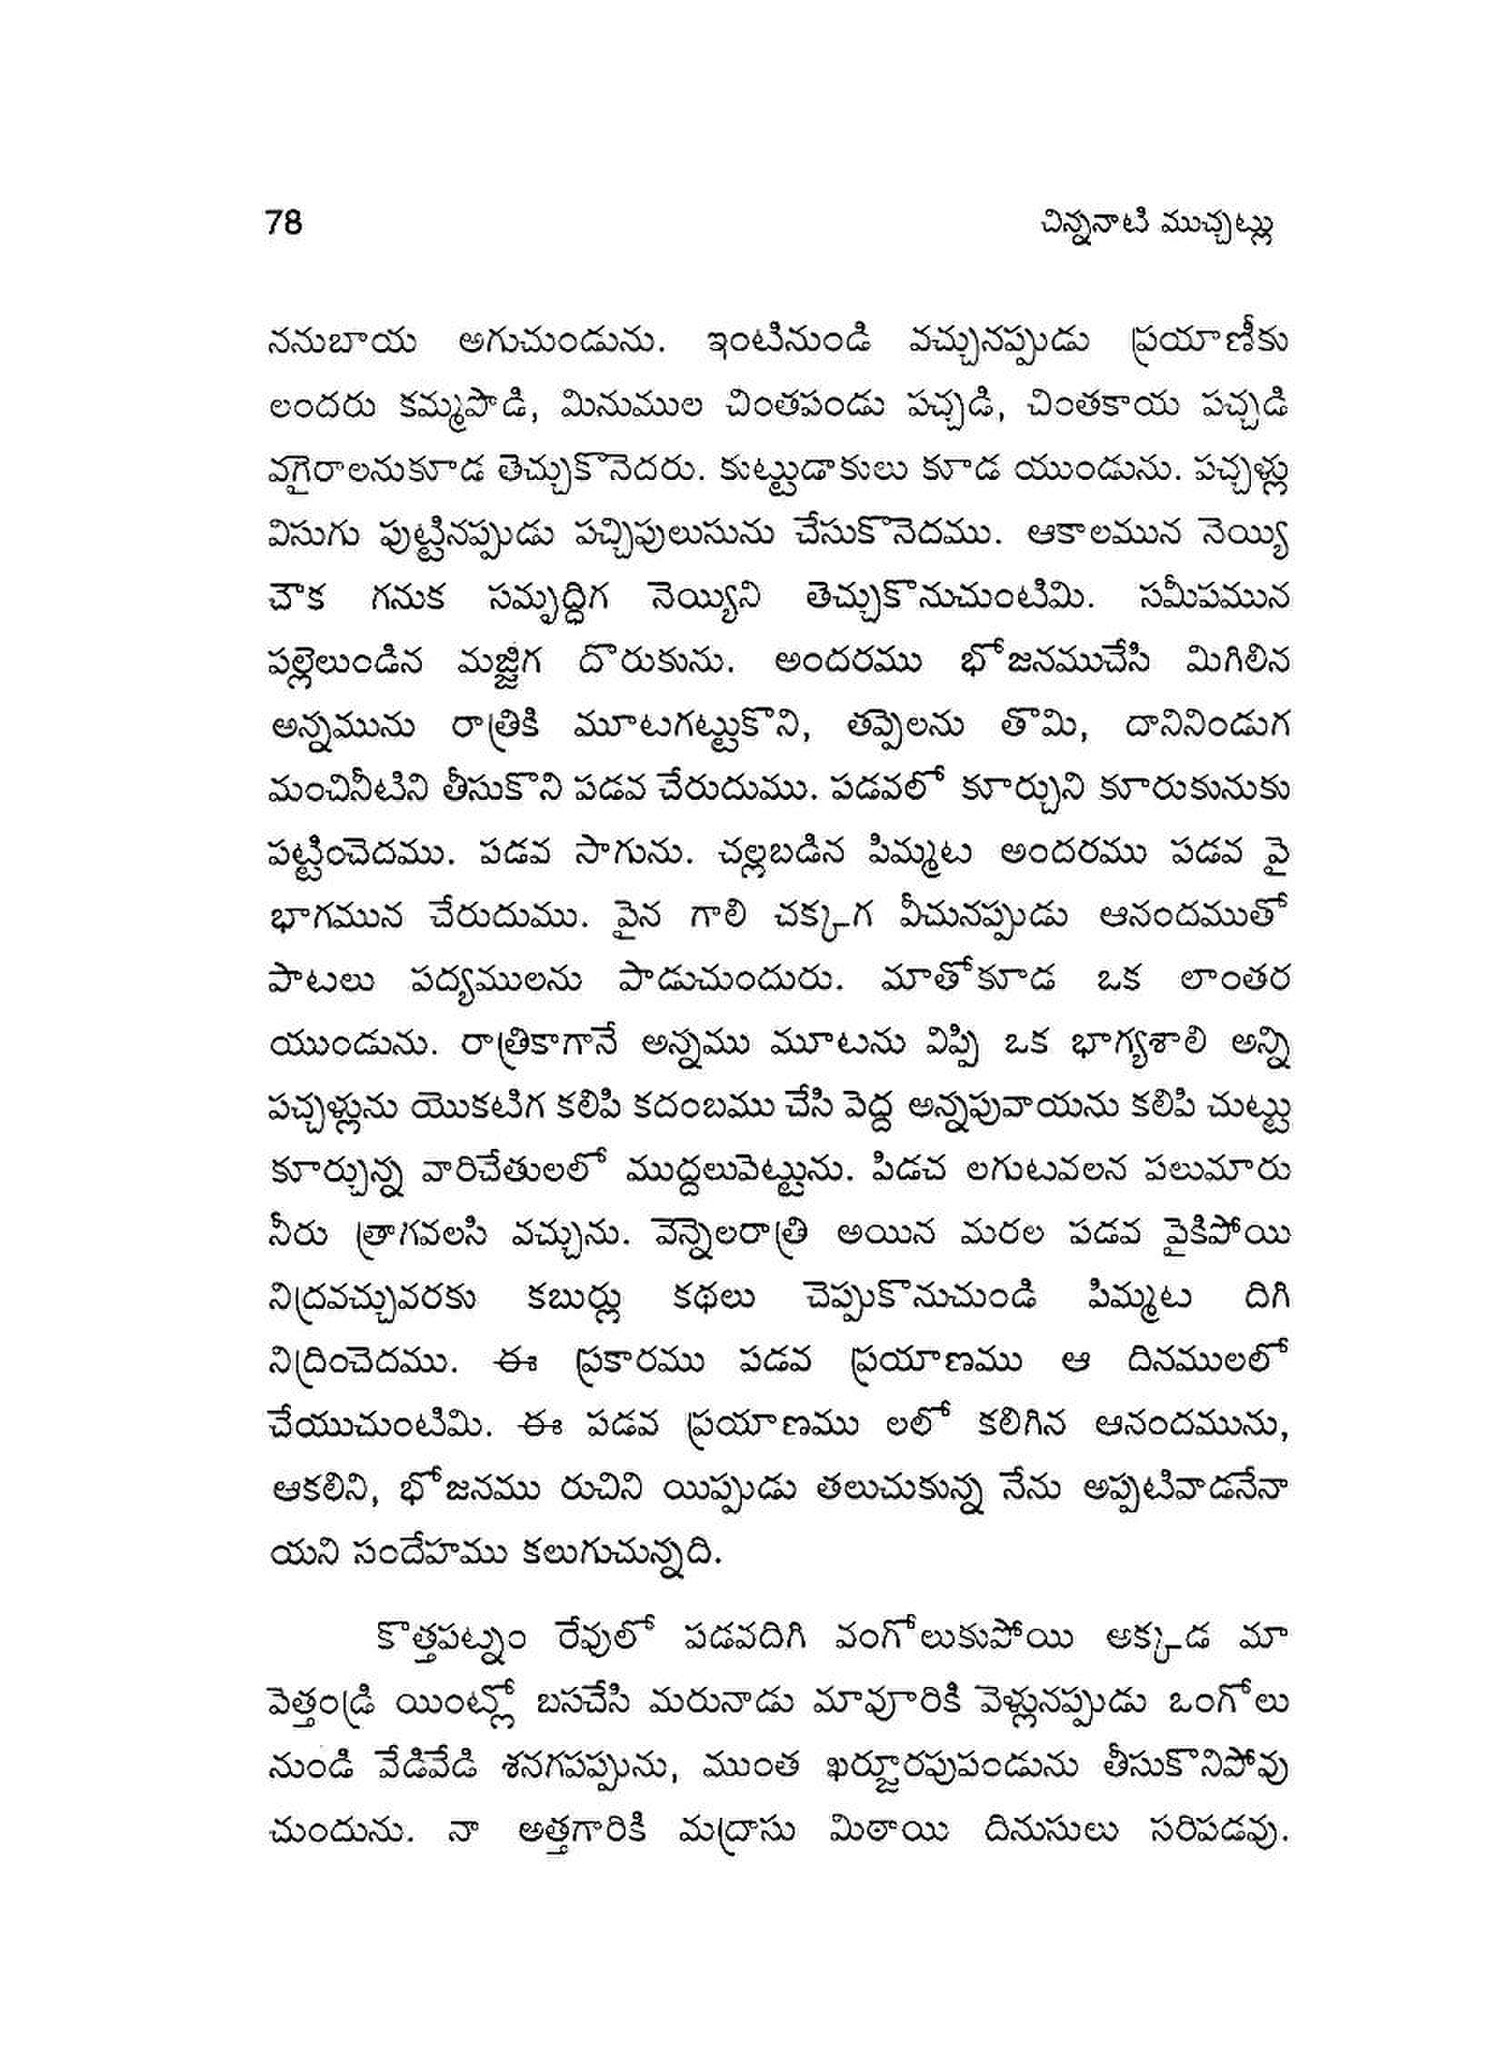ననుబాయ అగుచుండును. ఇంటినుండి వచ్చునప్పుడు ప్రయాణీకులందరు కమ్మపొడి, మినుముల చింతపండు పచ్చడి, చింతకాయ పచ్చడి వగైరాలనుకూడ తెచ్చుకొనెదరు. కుట్టుడాకులు కూడ యుండును. పచ్చళ్లు విసుగు పుట్టినప్పుడు పచ్చిపులుసును చేసుకొనెదము. ఆకాలమున నెయ్యి చౌక గనుక సమృద్దిగ నెయ్యిని తెచ్చుకొనుచుంటిమి. సమీపమున పల్లెలుండిన మజ్జిగ దొరుకును. అందరము భోజనముచేసి మిగిలిన అన్నమును రాత్రికి మూటగట్టుకొని, తప్పెలను తొమి, దానినిండుగ మంచినీటిని తీసుకొని పడవ చేరుదుము. పడవలో కూర్చుని కూరుకునుకు పట్టించెదము. పడవ సాగును. చల్లబడిన పిమ్మట అందరము పడవ పై భాగమున చేరుదుము. పైన గాలి చక్కగ వీచునప్పుడు ఆనందముతో పాటలు పద్యములను పాడుచుందురు. మాతో కూడ ఒక లాంతర యుండును. రాత్రికాగానే అన్నము మూటను విప్పి ఒక భాగ్యశాలి అన్ని పచ్చళ్లను యొకటిగ కలిపి కదంబము చేసి పెద్ద అన్నపువాయను కలిపి చుట్టు కూర్చున్న వారిచేతులలో ముద్దలుపెట్టును. పిడచ లగుటవలన పలుమారు నీరు త్రాగవలసి వచ్చును. వెన్నెలరాత్రి అయిన మరల పడవ పైకిపోయి నిద్రవచ్చువరకు కబుర్లు కథలు చెప్పుకొనుచుండి పిమ్మట దిగి నిద్రించెదము. ఈ ప్రకారము పడవ ప్రయాణము ఆ దినములలో చేయుచుంటిమి. ఈ పడవ ప్రయాణములలో కలిగిన ఆనందమును, ఆకలిని, భోజనము రుచిని యిప్పుడు తలుచుకున్న నేను అప్పటివాడనేనా యని సందేహము కలుగుచున్నది.

కొత్తపట్నం రేవులో పడవదిగి వంగోలుకుపోయి అక్కడ మా పెత్తండ్రి యింట్లో బసచేసి మరునాడు మావూరికి వెళ్లునప్పుడు ఒంగోలు నుండి వేడివేడి శనగపప్పును, ముంత ఖర్జూరపుపండును తీసుకొనిపోవు చుందును. నా అత్తగారికి మద్రాసు మిఠాయి దినుసులు సరిపడవు.